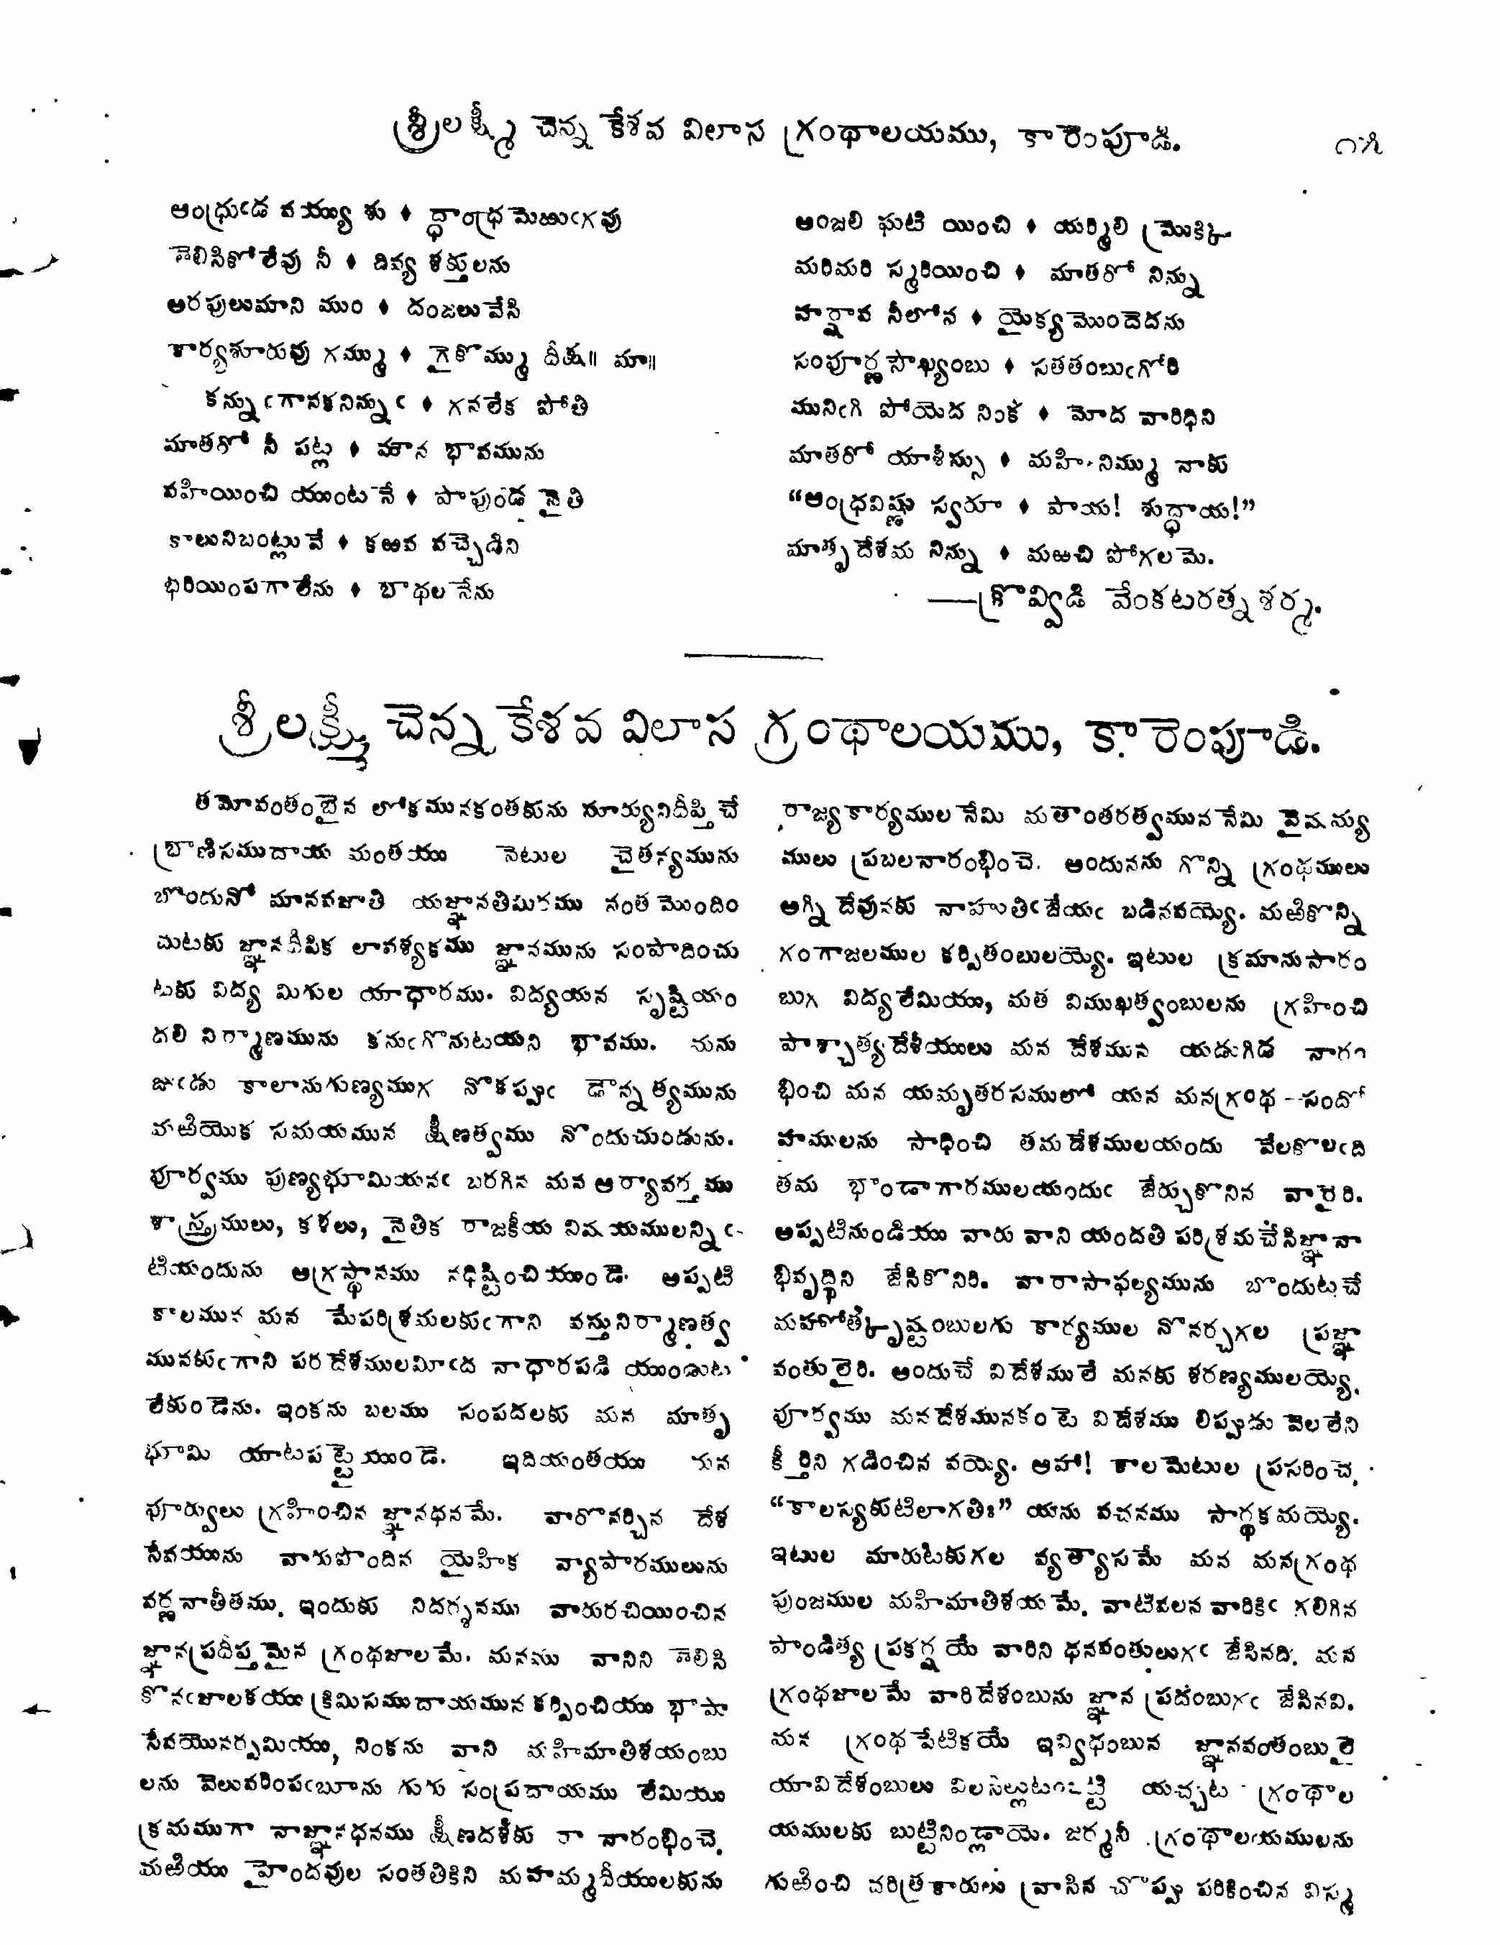ఆంధ్రుఁడ వయ్యురు . ద్ధాంధ్ర మెఱుఁగవు
తెలిసికోలేవు నీ దివ్య శక్తులను
అరపులుమాని ముం దంజలు వేసి
కార్యశూరువు గమ్ము * గైకొమ్ము దీక్ష | మా॥
కన్ను ఁ గానక నిన్ను ఁ
(
గనలేక పోతి
మాతగో నీ పట్ల మౌన భావమును
వహియించి యుంటనే పాపుండ నైతి
కాలునిబంట్లు వే . కఱవ వచ్చెడిని
భరియింపగా లేను బాధల నేను
•
అంజలి ఘటి యించి యర్మిలి మ్రొక్కి
మరిమరి స్మరియించి మాతరో నిన్ను
హర్షవ నీలోన . యైక్య మొందెదను
సంపూర్ణ సౌఖ్యంబు . సతతంబుఁగోరి
మునిఁగి పోయెద నింక మోద వారిధిని
మాతరో యాశీస్సు • మహి నిమ్ము నాకు
“ఆంధ్రవిష్ణు స్వరూ పాయ! శుద్ధాయ!”
మాతృదేశమ నిన్ను మఱచి పోగలమె.
-క్రొవ్విడి వేంకటరత్నశర్మ.

తమోవంతంబైన లోకమునకంతకును సూర్యునిదీప్తి చేబ్రాణిసముదాయ మంతయు నెటుల చైతన్యమును బొందునో మానవజాతి యజ్ఞానతిమిరము నంతమొందించుటకు జ్ఞానదీపిక ఆవశ్యకము జ్ఞానమును సంపాదించుటకు విద్య మిగుల యాధారము. విద్యయన సృష్టియందలి నిర్మాణమును కనుఁ గొనుటయని భావము. మనుజుఁడు కాలానుగుణ్యముగ నొకప్పుఁ డౌన్నత్యమును మఱియొక సమయమున క్షీణత్వము నొందుచుండును. పూర్వము పుణ్యభూమియనఁ బరిగిన మన ఆర్యావర్తము శాస్త్రములు, కళలు, నైతిక రాజకీయ నిమయములన్నిటియందును అగ్రస్థానము నధిష్టించియుండె. అప్పటికాలమున మన మేపరిశ్రమలకుఁగాని వస్తునిర్మాణత్వమునకుఁ గాని పరదేశములమీఁద నాధారపడి యుండుట లేకుండెను. ఇంకను బలము సంపదలకు మన మాతృభూమి యాటపట్టెయుండె. ఇదియంతయు పూర్వులు గ్రహించిన జ్ఞానధనమే. వారొనర్చిన దేశమన వారుపొందిన యైహిక వ్యాపారములును వర్ణనాతీతము, ఇందుకు నిదర్శనము వారు రచియించిన జ్ఞానప్రదీప్తమైన గ్రంథజాలమే. మనము వానిని తెలిసి కొనఁజాలకయు క్రిమిసముదాయమున కర్పించియు భాషాసేవయొనర్పమియు, నింకను వాని మహిమాతిశయంబులను వెలువరింపఁబూను గురు సంప్రదాయము లేమియు క్రమముగా నాజ్ఞానధనము క్షీణదశకు నా నారంభించె మఱియు హైందవుల సంతతికిని మహమ్మదీయులకును - రాజ్యకార్యముల నేమి మతాంతరత్వమున నేమి వైమన్యుములు ప్రబలనారంభించె. అందునను గొన్ని గ్రంథములు అగ్ని దేవునకు నాహుతిఁజేయఁ బడినవయ్యె. మఱికొన్ని గంగాజలముల కర్పితంబులయ్యె. ఇటుల క్రమానుసారంబు, విద్య లేమియు, మత విముఖత్వంబులను గ్రహించి పాశ్చాత్య దేశీయులు మన దేశమున యడుగిడ నారంభించి మన యమృతరసములో యన మనగ్రంథ సందోహములను సాధించి తమ దేశములయందు వేలకొలఁది తమ భాండాగారములయందుఁ జేర్చుకొనిన వారైరి. అప్పటినుండియు వారు వాని యందతి పరిశ్రమచేసిజ్ఞాభివృద్ధిని జేసికొనిరి. వారాసాఫల్యమును బొందుటచే మహోత్కృష్టంబులగు కార్యముల నొనర్చగల ప్రజ్ఞావంతులైరి. అందుచే విదేశములే మనకు శరణ్యములయ్యె. పూర్వము మనదేశమునకంటే విదేశము లిప్పుడు వెలలేని కీర్తిని గడించిన వయ్యె. ఆహా! కాలమెటుల ప్రసరించె, "కాలస్య కుటిలాగతిః" యను వచనము సార్థకమయ్యె. ఇటుల మారుటకు గల వ్యత్యాసమే మన మనగ్రంథ
పుంజముల మహిమాతిశయమే. వాటివలన వారికిఁ గలిగిన పాండిత్య ప్రకర్షయే వారిని ధనవంతులుగఁ జేసినది. మన గ్రంథజాలమే వారిదేశంబును జ్ఞాన ప్రదంబుగఁ జేసినవి. మహా గ్రంథపేటికయే ఇవ్విధంబున జ్ఞానవంతంబులై యావి దేశంబులు విలసిల్లుటంబట్టి యచ్చట గ్రంథాలయములకు బుట్టినిండాయె. జర్మనీ గ్రంథాలయములను గుఱించి చరిత్రకారులు వ్రాసిన చొప్పు పరికించిన విస్మ